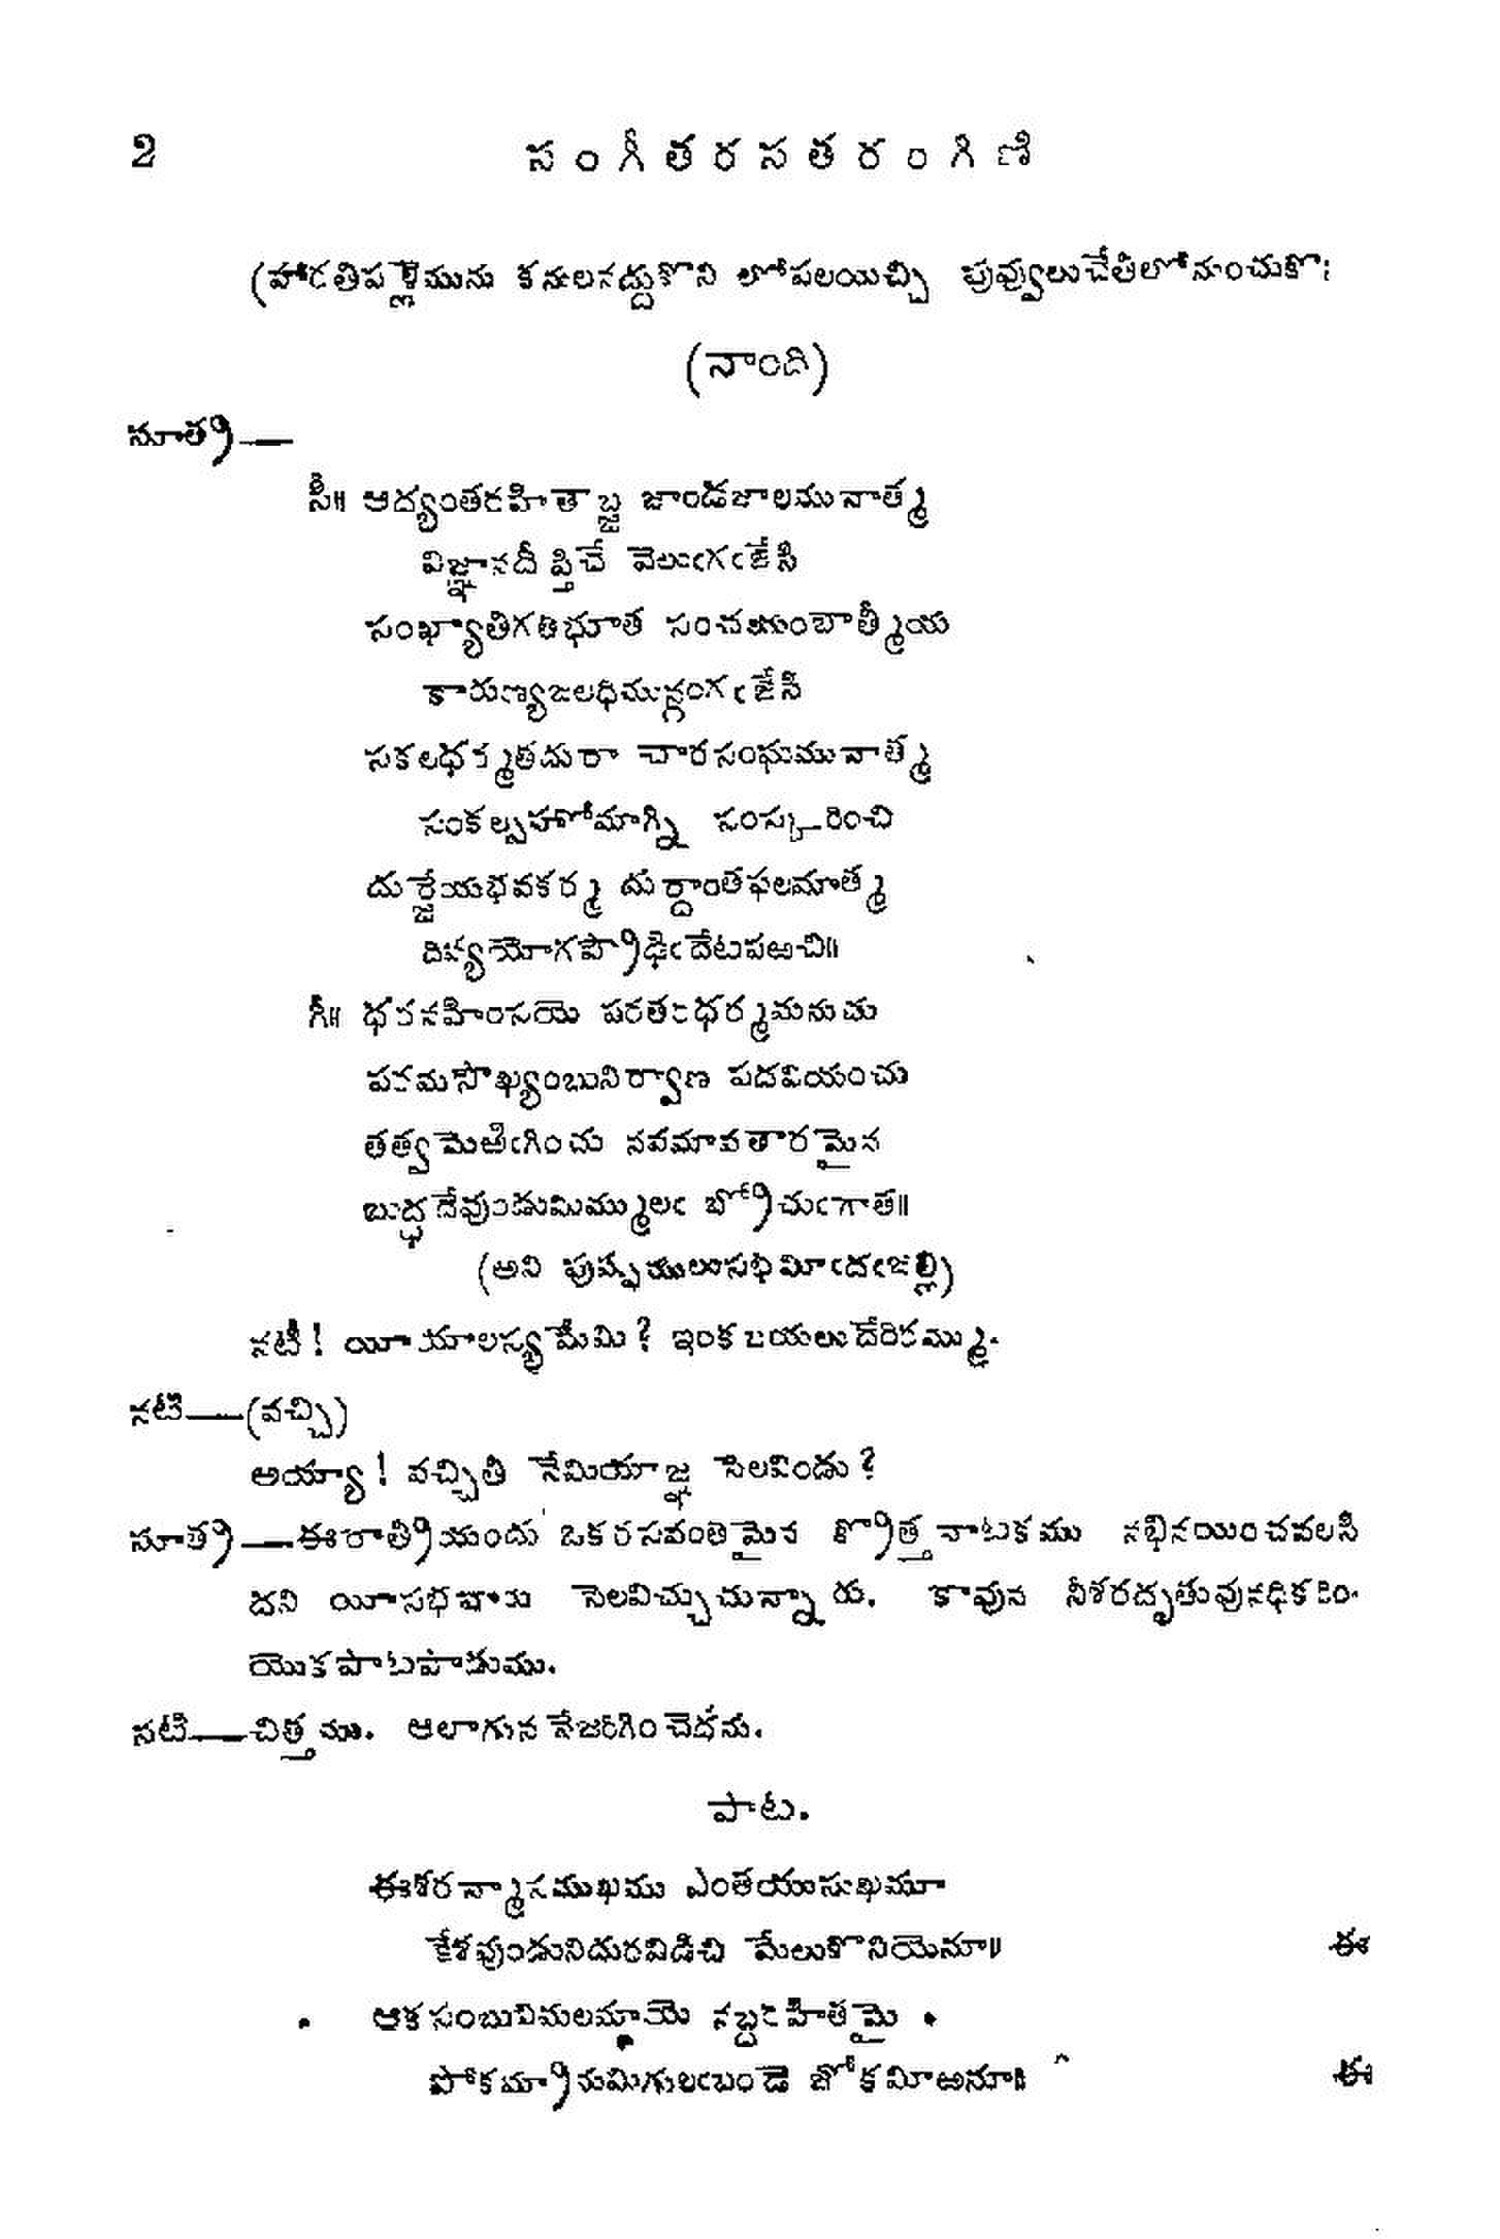సూత్ర -

సీ॥ ఆద్యంతరహితాబ్ద జాండజాలము నాత్మ
విజ్ఞానదీప్తిచే వెలుఁగఁజేసి
సంఖ్యాతిగతిభూత సంచయుంబాత్మీయ
కారుణ్యజలధిమున్దంగ ఁ జేసి
సకలధర్మతదురా చారసంఘము వాత్మ
సంకల్పహోమాగ్ని సంస్కరించి
దుచేయభవకర్మ దుర్దాంత ఫలమాత్మ
దివ్యయోగప్రౌఢిఁ దేటపఱచి॥

గీ॥ ధరనహింసయె పరతకధర్మమనుచు
పనమసౌఖ్యంబునిర్వాణ పదవియంచు
తత్వమెఱిఁగించు నవమావతారమైన
బుద్ధదేవుండుమిమ్ములఁ బోచుఁగాత॥

(అని పుష్పములు సభి మీఁదఁజల్లి)

నటీ! యీయాలస్య మేమి? ఇంక బయలు దేరికమ్ము.

ఈశరన్మాసముఖము ఎంతయుసుఖమూ
కేశవుండునిదురవిడిచి మేలుకొనియెనూ!
ఆకసంబువిమలమాయె శబ్ధtహితమై
పోకమారుమిగులఁబండె జోకమీఱనూ!